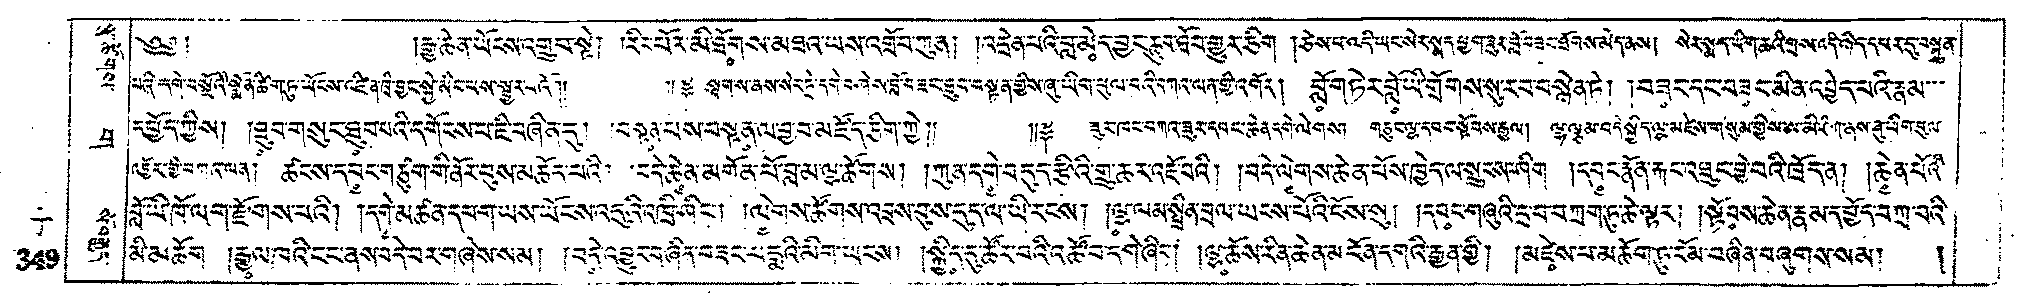༄༅། །རྒྱ་ཆེན་ཡོངས་འགྲུབ་སྟེ། །རིང་པོར་མི་ཐོགས྾་མཐའ་ཡས་འགྲོ་བ་ཀུན། །འདྲེན་པའི་བླ་མེད྾་བྱང་ཆུབ་ཐོབ་གྱུར་ཅིག །ཅེས་པ་འདི་ཡང་སེར་སྨད་ཕྱག་ཟུར་བློ་བཟང་ཐོགས་མེད་ནས། སེར་སྨད་ཡིག་ཆའི་གྲས་འདི་ཉིད་དཔར་དུ་བསྐྲུན་
པའི་དགེ་བསྔོའི་སྨོན་ཚིག་ཏུ་ཡོངས་འཛིན་ཁྲི་བྱང་སྐྱེ་མིང་པས་སྦྱར་པའོ།། །། འ་སྦགས་ནས་སེར་ཏྲེ་དགེ་བཤེས་བློ་བཟང་ཐུབ་བསྟན་གྱིས་ཞུ་ཡིག་ཕུལ་བའི་བཀའ་ལན་གྱི་འགོར།  བློ྾་གཏེར་བློ྾་ཡི་གྲོགས་སུ་རབ་བསྙེན་ཏེ། །བཟང྾་དང་བཟང྾་མིན་འབྱེད་པའི་རྣམ་་་
དཔྱོད་ཀྱིས། །ཐུབ྾་གསུང་ཐུབ྾་པའི་དགོངས་པ་ཇི་བཞིན་དུ། །བསྟན྾་པས་བསྟན྾་ལ་བྱ་བ་མཛོད་ཅིག་ཀྱེ།། །། འ་ཟུར་ཁང་བཀའ་ཟུར་དབང་ཆེན་དགེ་ལེགས། གཅུང་ལྷ་དབང་སྟོབས་རྒྱལ། ལྷ་ལྕམ་བདེ་སྐྱིད་ལྷ་མཛེས་གསུམ་གྱིས་ཨ་མི་རི་ཀ་ནས་ཞུ་ཡིག་ཕུལ་
འབྱོར་གྱི་བཀའ་ལན། ཚངས་དབང྾་གཙུག་གི་ནོར་བུས་མཆོད་པའི། །བདེ་ཆེནཾ་མགོན་པོ་བླ་མ་ལྷ་ཚོགས། །ཀུན་དགེ྾་བདུད་རྩིའི་གྲུ་ཆར་འཇོ་བའི། །བདེ་ལེགས་ཆེན་པོས་ཁྱེད་ལ་སྲུངས་ཤིག །དབངཾ་རྣོན་རྐང་འཐུང་བྱེ་བའི་ཁྲོད་ན། །ཆེན་པོའི།
བློ་ཡི་ཁོ་ལག་རྫོགས་པའི། །དགེཾ་མཚན་དཔག་ཡས་ཡོངས་འདུའི་འཁྲི་ཤིང་། །ལེགསཾ་ཚོགས་འབྲས་བུས་དུད་ལ་ཡི་རངས། །ལྷ྾་ལམ་སྤྲིན་བྲལ་ཡངས་པོའི་ངོས་སུ། །དབང྾་གཞུའི་དྲ་བ་བཀྲག་ཏུ་ཆེ་ལྟར། །སྟོབས྾་ཆེན་རྣམ་དཔྱོད་བཀྲ་བའི་
མི་མཆོག །རྒྱལ྾་ཁའི་ངང་ནས་བདེ་བར་གཞེས་སམ། །བདེ྾་འབྱུང་བཞིན་བཟང་པདམའི་མིག་ཡངས། །སྐྱིད྾་དུ་ཚོར་བའི་འཚོ་བ་དགེ་ཞིང་། །ལྷ྾་ཆོས་རིན་ཆེན་མངོན་དགའི་རྒྱན་གྱི། །མཛེས྾་པ་མཆོག་ཏུ་ངོམ་བཞིན་བཞུགས་སམ། །